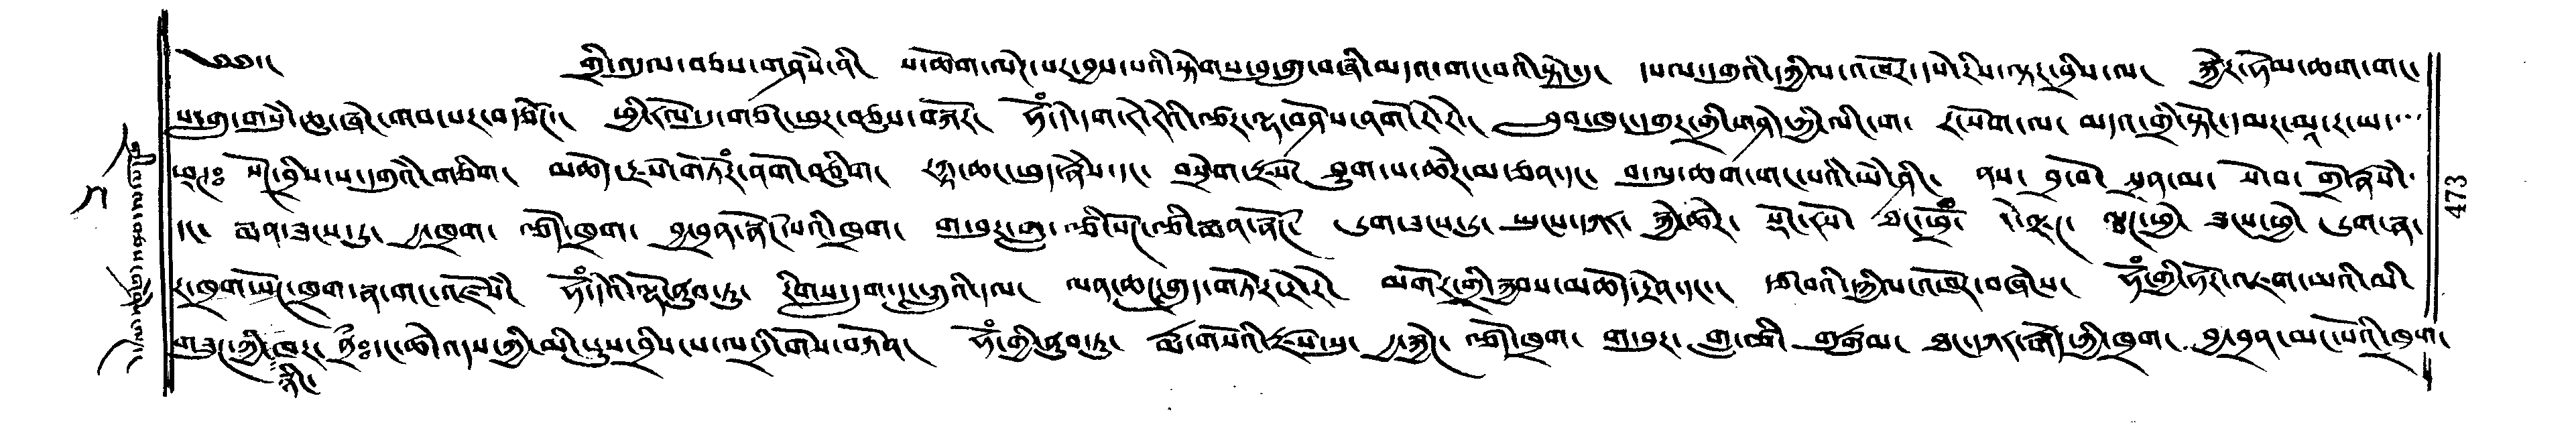གྲི་འདུལ་བཅའ་གཤམ་ནི། ས་ཆོག་ལེགས་པར་བྱས་པའི་སྟེགས་བུ་གྲུ་བཞི་མདའ་གང་བའི་སྟེང་དུ། དཔལ་དགུའི་དཀྱིལ་འཁོར་དཔེ་རིས་ལྟར་བྲིས་ལ། སྐྱེར་ཧོམ་ཆག་གང་
པ་གྲུ་གསུམ་ཆུ་ཞེང་གབ་པར་བརྩེགས། ཕྱི་རོལ་དུ་གཙང་ཕུར་བཅུས་བསྐོར། ཧོམ་དེ་དག་རེ་རེའི་རྩར་ལྷ་བཤོས་ནག་པོ་རེ་རེ། བྲུབ་ཁུང་དགུར་གྲི་གཤེད་ཀྱི་ལིང་ག ར་སོག་ལ། མདའ་གྲི་སྟོང་དམར་མཱ་ར་ཡ་
ཕཊཿ སོགས་བྲིས་པ་དགུའམ་གཅིག མཆོད་རྫས་གཏོར་མ་ནག་པོ་བཅུ་གཅིག རཀྟ་ཆང་ཕུད་རྣམས་དང་། སྲེག་རྫས། ཤུག་པ་ཚེར་མ་ཅན་དང་། བ་ལུ་ཆག་གང་པའི་ཡམ་ཤིང་། ནས། བྲ་བོ། སྲན་མ། སོ་བ། གྲོ་རྣམས་
དང་། སྨན་ཟངས་སུ། བྱ་ཁྲག རྩོད་ཁྲག བྱ་བྲན་སྣ་ཚོགས་པའི་ཁྲག ག་བུར་གླ་རྩི་སོགས་རྩི་སྨན་སྣ་ཚོགས། དུག་ཟངས་སུ། ཡུངས་དཀར། སྐྱེ་ཚེར། སྡོང་རོས། ཐང་ཕྲོམ། རེ་ལྕག ལྕགས་ཕྱེ། ཟངས་ཕྱེ། དུག་སྣ། 
ར་ཁྲག་སོགས་ཁྲག་སྣ་གང་འཛོམས། ཧོམ་དེའི་ལྷོ་ནུབ་ཏུ། རིགས་དྲུག་དང་ཀླུའི་དལ། ལན་ཆགས་གླུད་གཏོར་རེ་རེ། མགོར་གྲི་སྐྱབས་མཆོད་རྟེན་དང་། རྩ་བའི་དཀྱིལ་འཁོར་བཞེངས། ཧོམ་གྱི་ཧོར་འཇག་མའི་མི་
གཟུགས་ཁྱི་སྙིང་ཁར་ནྲྀཿདང་ཚེ་འདས་ཀྱི་མིང་རུས་བྲིས་པ་ལ་དྲི་གོས་བཀོན། ཧོམ་གྱི་ནུབ་ཏུ། རྨ་གསོའི་རྫས་སུ། རྒྱ་སྐྱེགས། རྩོད་ཁྲག ག་བུར། གླ་རྩི། གུརྒུམ། ཐང་དཀར་རྒོད་ཀྱི་ཁྲག བྱ་བྲན་མང་པོའི་ཁྲག